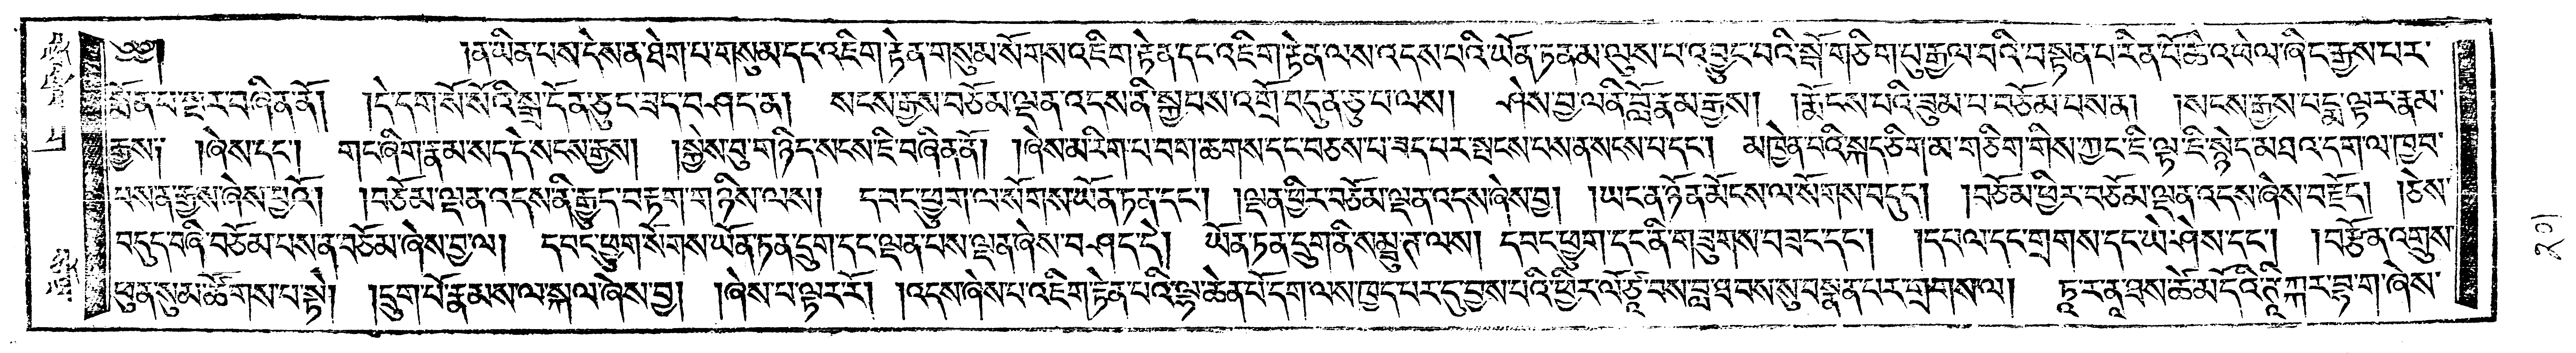༄༅། །ན་ཡིན་པས་དེས་ན་ཐེག་པ་གསུམ་དང་འཇིག་རྟེན་གསུམ་སོགས་འཇིག་རྟེན་དང་འཇིག་རྟེན་ལས་འདས་པའི་ཡོན་ཏན་མ་ལུས་པ་འབྱུང་བའི་སྒོ་གཅིག་པུ་རྒྱལ་བའི་བསྟན་པ་རིན་པོ་ཆེ་འཕེལ་ཞིང་རྒྱས་པར་
སྨོན་པ་སྔར་བཞིན་ནོ། །དེ་དག་སོ་སོའི་སྒྲ་དོན་ཅུང་ཟད་བཤད་ན། སངས་རྒྱས་བཅོམ་ལྡན་འདས་ནི་སྐྱབས་འགྲོ་བདུན་ཅུ་པ་ལས། ཤེས་བྱ་ལ་ནི་བློ་རྣམ་རྒྱས། །རྨོངས་པའི་ཟུམ་བ་བཅོམ་པས་ན། །སངས་རྒྱས་པདམ་ལྟར་རྣམ་
རྒྱས༑ །ཞེས་དང་། གང་ཞིག་རྣམས་དེད་སངས་རྒྱས། །སྐྱེས་བུ་གཉིད་སངས་ཇི་བཞིན་ནོ། །ཞེས་མ་རིག་པ་བག་ཆགས་དང་བཅས་པ་ཟད་པར་སྤངས་པས་ན་སངས་པ་དང་། མཁྱེན་པའི་སྐད་ཅིག་མ་གཅིག་གིས་ཀྱང་ཇི་ལྟ་ཇི་སྙེད་མཐའ་དག་ལ་ཁྱབ་
པས་ན་རྒྱས་ཞེས་བྱའོ། །བཅོམ་ལྡན་འདས་ནི་རྒྱུད་བརྟག་གཉིས་ལས། དབང་ཕྱུག་ལ་སོགས་ཡོན་ཏན་དང་། །ལྡན་ཕྱིར་བཅོམ་ལྡན་འདས་ཞེས་བྱ། །ཡང་ན་ཉོན་མོངས་ལ་སོགས་བདུད། །བཅོམ་ཕྱིར་བཅོམ་ལྡན་འདས་ཞེས་བརྗོད། །ཅེས་
བདུད་བཞི་བཅོམ་པས་ན་བཅོམ་ཞེས་བྱ་ལ། དབང་ཕྱུག་སོགས་ཡོན་ཏན་དྲུག་དང་ལྡན་པས་ལྡན་ཞེས་བཤད་དེ། ཡོན་ཏན་དྲུག་ནི་སམྦུ་ཊ་ལས། དབང་ཕྱུག་དང་ནི་གཟུགས་བཟང་དང་། །དཔལ་དང་གྲགས་དང་ཡེ་ཤེས་དང་། །བརྩོན་འགྲུས་
ཕུན་སུམ་ཚོགས་བ་སྟེ། །དྲུག་པོ་རྣམས་ལ་སྐལ་ཞེས་བྱ། །ཞེས་པ་ལྟར་རོ། །འདས་ཞེས་པ་འཇིག་རྟེན་བའི་ལྷ་ཆེན་པོ་དག་ལས་ཁྱད་པར་དུ་བྱས་པའི་ཕྱིར་ལོ་ཙཱ་བས་བླ་ཐབས་སུ་བསྣན་པར་གྲགས་ལ། ཏཱར་ལ་ནཱ་ཐས་ཚེ་མདོའི་ཊཱིཀྐར་བྷ་ག་ཞེས་